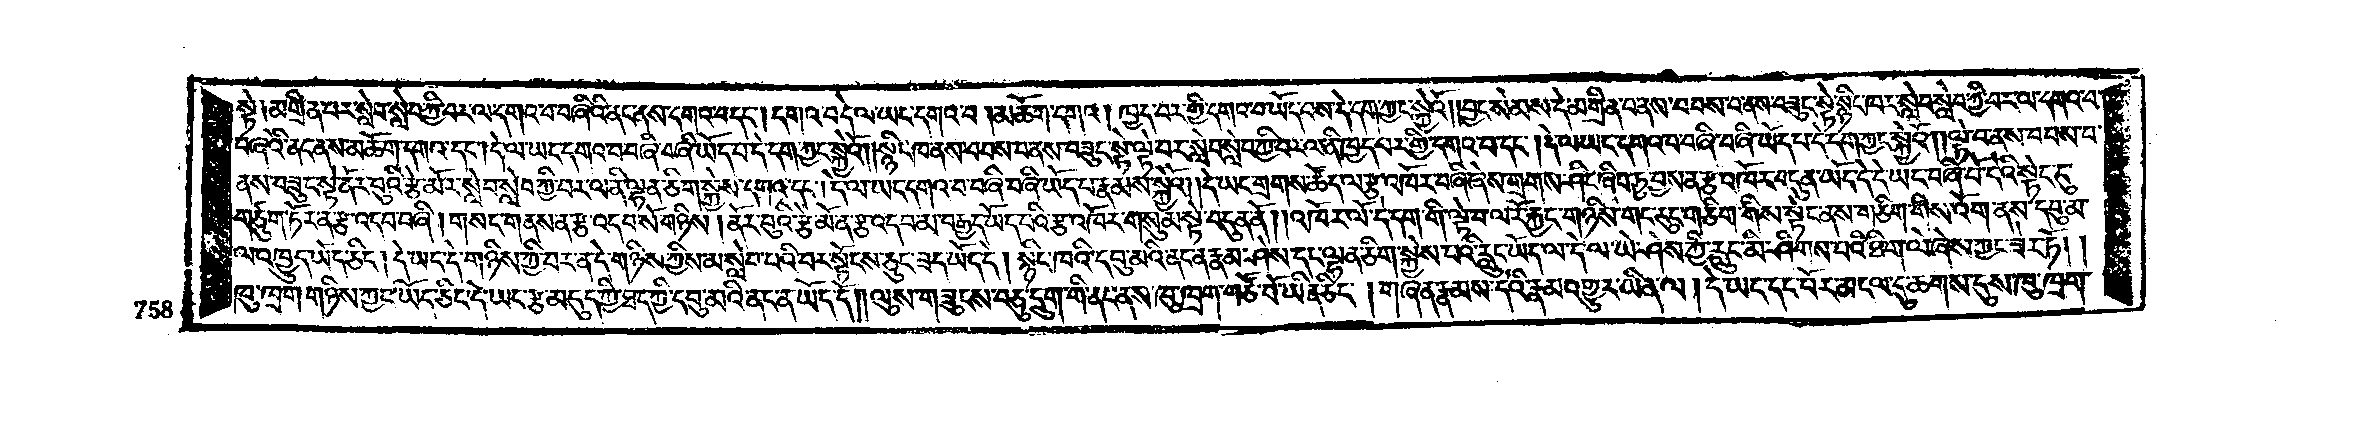སྟེ། མགྲིན་པར་སླེབ་སླེབ་ཀྱི་བར་ལ་དགའ་བ་བཞིའི་ནང་ནས་དགའ་བ་དང་། དགའ་བ་དེ་ལ་ཡང་དགའ་བ། མཆོག་དགའ། ཁྱད་པར་གྱི་དགའ་བ་ཡོད་པས་དེ་དག་ཀྱང་སྐྱེའོ། །བྱང་སེམས་དེ་མགྲིན་པ་ནས་བབས་པ་ནས་བཟུང་སྟེ་སྙིང་ཁར་སླེབ་སླེབ་ཀྱི་བར་ལ་དགའ་བ་
བཞིའི་ནང་ནས་མཆོག་དགའ་བ་དང་། དེ་ལ་ཡང་དགའ་བ་བཞི་བཞི་ཡོད་པ་དེ་དག་ཀྱང་སྐྱེའོ། །སྙིང་ཁ་ནས་བབས་པ་ནས་བཟུང་སྟེ་ལྟེ་བར་སླེབ་སླེབ་ཀྱི་བར་ལ་ནི་ཁྱད་པར་གྱི་དགའ་བ་དང་། དེ་ལ་ཡང་དགའ་བ་བཞི་བཞི་ཡོད་པ་དེ་དག་ཀྱང་སྐྱེའོ། །ལྟེ་བ་ནས་བབས་པ་
ནས་བཟུང་སྟེ་ནོར་བུའི་རྩེ་མོར་སླེབ་སླེབ་ཀྱི་བར་ལ་ནི་ལྷན་ཅིག་སྐྱེས་དགའ་དང་། དེ་ལ་ཡང་དགའ་བ་བཞི་བཞི་ཡོད་པ་རྣམས་སྐྱེའོ། །དེ་ཡང་གྲགས་ཚོད་ལ་རྩ་འཁོར་བཞི་ཞེས་གྲགས་ཤིང་ཞིབ་ཏུ་བྱས་ན་རྩ་འཁོར་བདུན་ཡོད་དེ་དེ་ཡང་བཞི་པོ་དེའི་སྟེང་དུ་
གཙུག་ཏོར་ན་རྩ་འདབ་བཞི། གསང་གནས་ན་རྩ་འདབ་སོ་གཉིས། ནོར་བུའི་རྩེ་མོ་ན་རྩ་འདབ་མ་བརྒྱད་ཡོད་པའི་རྩ་འཁོར་གསུམ་སྟེ་བདུན་ནོ། །འཁོར་ལོ་དེ་དག་གི་ལྟེ་བ་ལ་རོ་རྐྱང་གཉིས་གང་རུང་གཅིག་གིས་སྟེང་ནས་གཅིག་གིས་འོག་ནས་དབུ་མ་
ལ་འཁྱུད་ཡོད་ཅིང་། དེ་ཡང་དེ་གཉིས་ཀྱིས་བར་མ་སླེབ་པའི་བར་སྟོངས་ཅུང་ཟད་ཡོད་དེ། སྙིང་ཁའི་དབུ་མའི་ནང་ན་རྣམ་ཤེས་དང་ལྷན་ཅིག་སྐྱེས་པའི་རླུང་ཡོད་ལ་དེ་ལ་ཡེ་ཤེས་ཀྱི་རླུང་མི་ཤིགས་པའི་ཐིག་ལེ་ཞེས་ཀྱང་ཟེར་ཏོ། །
ཁུ་ཁྲག་གཉིས་ཀྱང་ཡོད་ཅིང་དེ་ཡང་རྩ་མདུད་ཀྱི་ཐད་ཀྱི་དབུ་མའི་ནང་ན་ཡོད་དོ། །ལུས་གཟུངས་བཅུ་དྲུག་གི་ནང་ནས་ཁུ་ཁྲག་གཙོ་བོ་ཡིན་ཅིང་། གཞན་རྣམས་དེའི་རྣམ་འགྱུར་ཡིན་ལ། དེ་ཡང་དང་པོར་མངལ་དུ་ཆགས་དུས་ཁུ་ཁྲག་